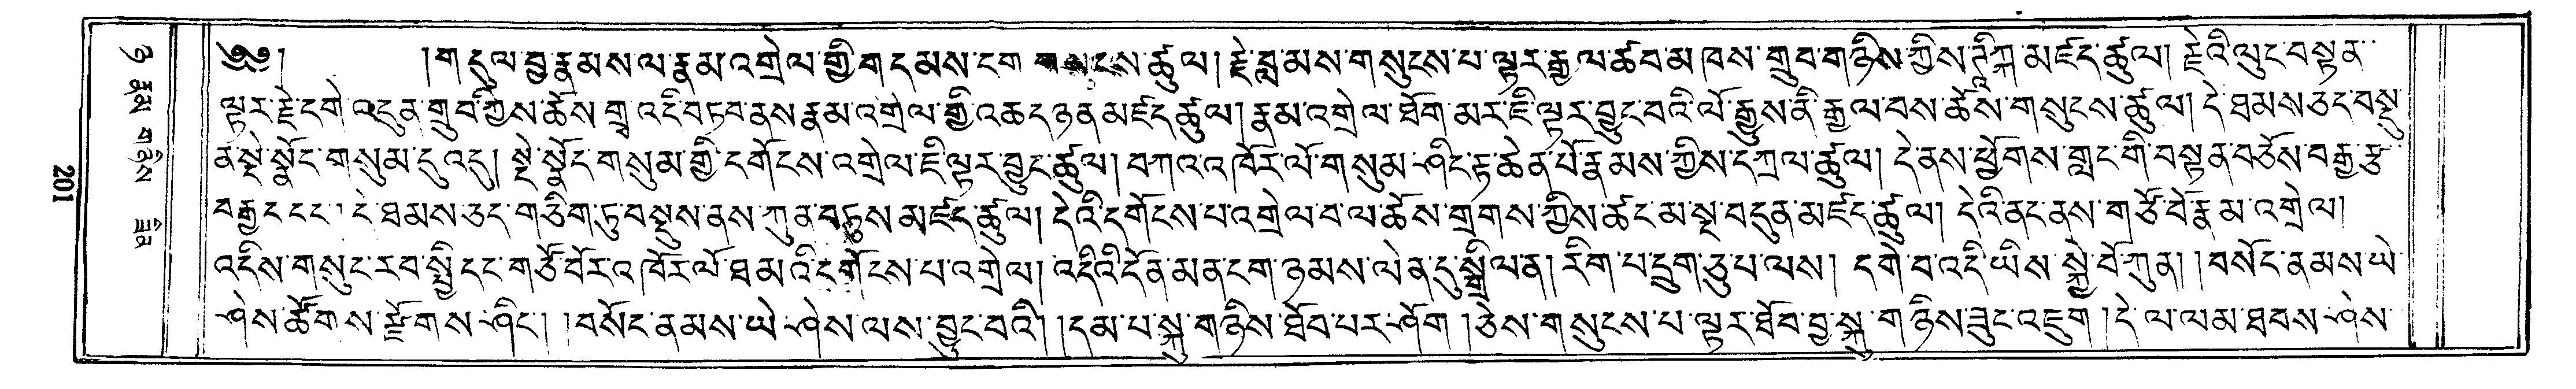༄༅། །གདུལ་བྱ་རྣམས་ལ་རྣམ་འགྲེལ་གྱི་གདམས་ངག་གསུངས་ཚུལ། རྗེ་བླ་མས་གསུངས་པ་ལྟར་རྒྱལ་ཚབ་མཁས་གྲུབ་གཉིས་ཀྱིས་ཊཱིཀྐ་མཛད་ཚུལ། རྗེའི་ལུང་བསྟན་
ལྟར་རྗེ་དགེ་འདུན་གྲུབ་ཀྱིས་ཆོས་གྲྭ་འདི་བཏབ་ནས་རྣམ་འགྲེལ་གྱི་འཆད་ཉན་མཛད་ཚུལ། རྣམ་འགྲེལ་ཐོག་མར་ཇི་ལྟར་བྱུང་བའི་ལོ་རྒྱུས་ནི་རྒྱལ་བས་ཆོས་གསུངས་ཚུལ། དེ་ཐམས་ཅད་བསྡུ་
ན་སྡེ་སྣོད་གསུམ་དུ་འདུ། སྡེ་སྣོད་གསུམ་གྱི་དགོངས་འགྲེལ་ཇི་ལྟར་བྱུང་ཚུལ། བཀའ་འཁོར་ལོ་གསུམ་ཤིང་རྟ་ཆེན་པོ་རྣམས་ཀྱིས་དཀྲལ་ཚུལ། དེ་ནས་ཕྱོགས་གླང་གི་བསྟན་བཅོས་བརྒྱ་རྩ་
བརྒྱད་དང་། དེ་ཐམས་ཅད་གཅིག་ཏུ་བསྡུས་ནས་ཀུན་བཏུས་མཛད་ཚུལ། དེའི་དགོངས་པ་འགྲེལ་བ་ལ་ཆོས་གྲགས་ཀྱིས་ཚད་མ་སྡེ་བདུན་མཛད་ཚུལ། དེའི་ནང་ནས་གཙོ་བོ་རྣམ་འགྲེལ།
འདིས་གསུང་རབ་སྤྱི་དང་གཙོ་བོར་འཁོར་ལོ་ཐ་མའི་དགོངས་པ་འགྲེལ། འདིའི་དོན་མན་ངག་ཉམས་ལེན་དུ་སྒྲིལ་ན། རིག་པ་དྲུག་ཅུ་པ་ལས། དགེ་བ་འདི་ཡིས་སྐྱེ་བོ་ཀུན། །བསོད་ནམས་ཡེ་
ཤེས་ཚོགས་རྫོགས་ཤིང་། །བསོད་ནམས་ཡེ་ཤེས་ལས་བྱུང་བའི། །དམ་པ་སྐུ་གཉིས་ཐོབ་པར་ཤོག །ཅེས་གསུངས་པ་ལྟར་ཐོབ་བྱ་སྐུ་གཉིས་ཟུང་འཇུག །དེ་ལ་ལམ་ཐབས་ཤེས་